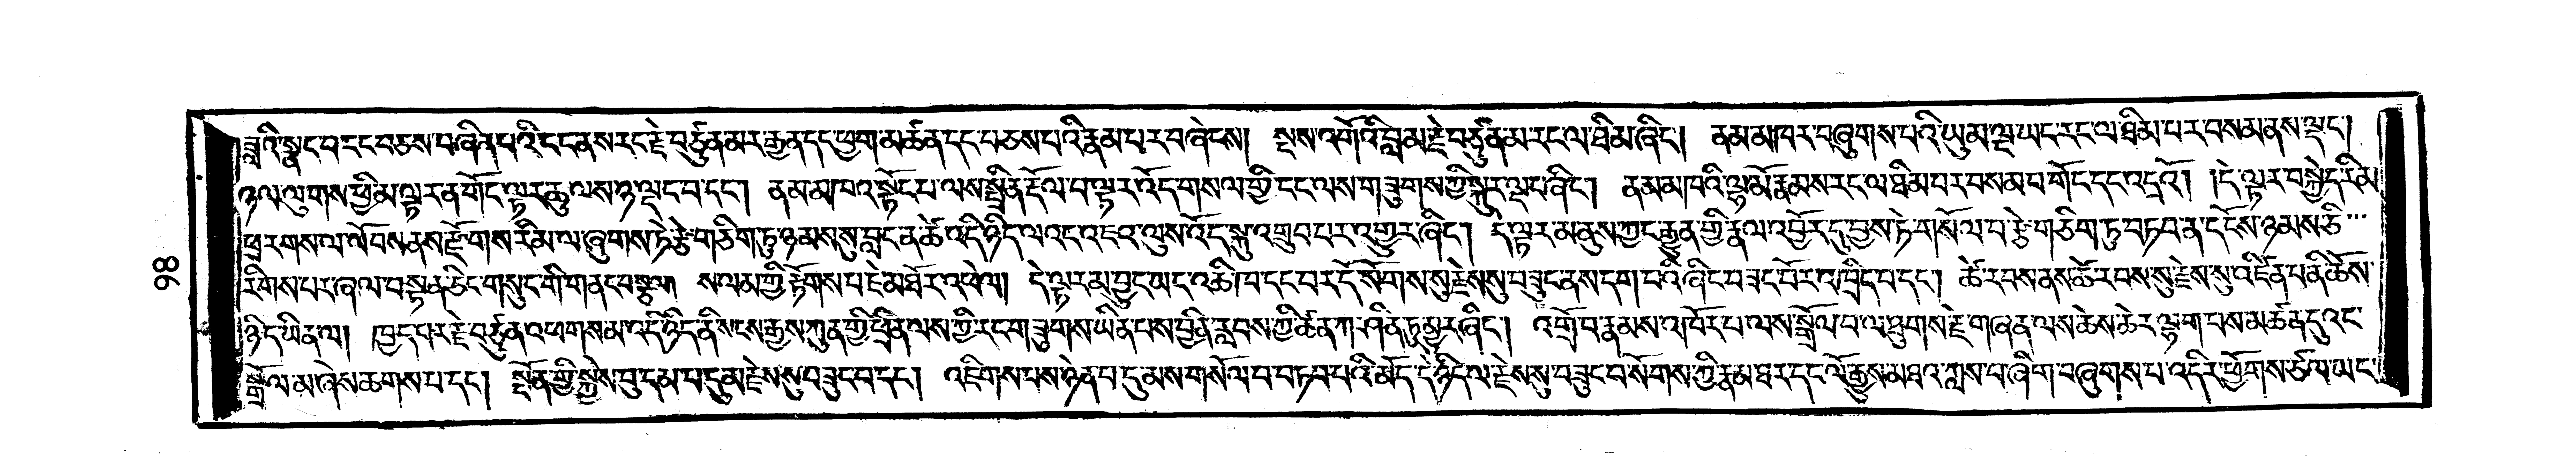ཟླའི་སྣང་བ་དང་བཅས་བཞིན་པའི་ངང་ནས་རང་རྗེ་བཙུན་མར་རྒྱན་དང་ཕྱག་མཚན་དང་བཅས་པའི་རྣམ་པར་བཞེངས། སྔས་འགོའི་བླ་མ་རྗེ་བཙུན་མ་རང་ལ་ཐིམ་ཞིང་། ནམ་མཁར་བཞུགས་པའི་ཡུམ་ལྔ་ཡང་རང་ལ་ཐིམ་པར་བསམས་ནས་ལྡང་།
ཉལ་ལུགས་ཕྱི་མ་ལྟར་ན་གོང་ལྟར་ཆུ་ལས་ཉ་ལྡང་བ་དང་། ནམ་མཁའ་སྟོང་པ་ལས་སྤྲིན་རྡོལ་བ་ལྟར་འོད་གསལ་གྱི་ངང་ལས་གཟུགས་ཀྱི་སྐུར་ལྡང་ཞིང་། ནམ་མཁའི་ལྷ་མོ་རྣམས་རང་ལ་ཐིམ་པར་བསམ་པ་གོང་དང་འདྲའོ། །དེ་ལྟར་བསྐྱེད་རིམ་
ཕྲ་རགས་ལ་ལོབས་ནས་རྫོགས་རིམ་ལ་ཞུགས་ཏེ་རྩེ་གཅིག་ཏུ་ཉམས་སུ་བླང་ན་ཚེ་འདི་ཉིད་ལའང་འཇའ་ལུས་འོད་སྐུ་འགྲུབ་བར་འགྱུར་ཞིང་། དེ་ལྟར་མ་ནུས་ཀྱང་རྒྱུན་གྱི་རྣལ་འབྱོར་དུ་བྱས་ཏེ་གསོལ་བ་རྩེ་གཅིག་ཏུ་བཏབ་ན་དངོས་ཉམས་ཅི་
རིགས་པར་ཞལ་བསྟན་ཅིང་གསུང་གྱི་གནང་བ་སྩལ། ས་ལམ་གྱི་རྟོགས་པ་རྗེ་མཐོར་འཕེལ། དེ་ལྟར་མ་བྱུང་ཡང་འཆི་ཁ་དང་བར་དོ་སོགས་སུ་རྗེས་སུ་བཟུང་ནས་དག་པའི་ཞིང་བཟང་པོར་འཁྲིད་པ་དང་། ཚེ་རབས་ནས་ཚེ་རབས་སུ་རྗེས་སུ་འཛིན་པ་ནི་ཆོས་
ཉིད་ཡིན་ལ། ཁྱད་པར་རྗེ་བཙུན་འཕགས་མ་འདི་ཉིད་ནི་སངས་རྒྱས་ཀུན་གྱི་ཕྲིན་ལས་ཀྱི་རང་གཟུགས་ཡིན་པས་བྱིན་རླབས་ཀྱི་ཚན་ལ་ཤིན་ཏུ་མྱུར་ཞིང་། འགྲོ་བ་རྣམས་འཁོར་བ་ལས་སྒྲོལ་བ་ལ་ཐུགས་རྗེ་གཞན་ལས་ཆེས་ཆེར་ལྷག་པས་མཚན་དུའང་
སྒྲོལ་མ་ཞེས་ཆགས་པ་དང་། སྔོན་གྱི་སྐྱེས་བུ་དམ་པ་དུ་མ་རྗེས་སུ་བཟུང་བ་དང་། འཇིགས་པས་ཉེན་པ་དུ་མས་གསོལ་བ་བཏབ་པའི་མོད་དེ་ཉིད་ལ་རྗེས་སུ་བཟུང་བ་སོགས་ཀྱི་རྣམ་ཐར་དང་ལོ་རྒྱུས་མཐའ་ཀླས་བ་ཞིག་བཞུགས་པ་འདིར་ཕྱོགས་ཙམ་ཡང་